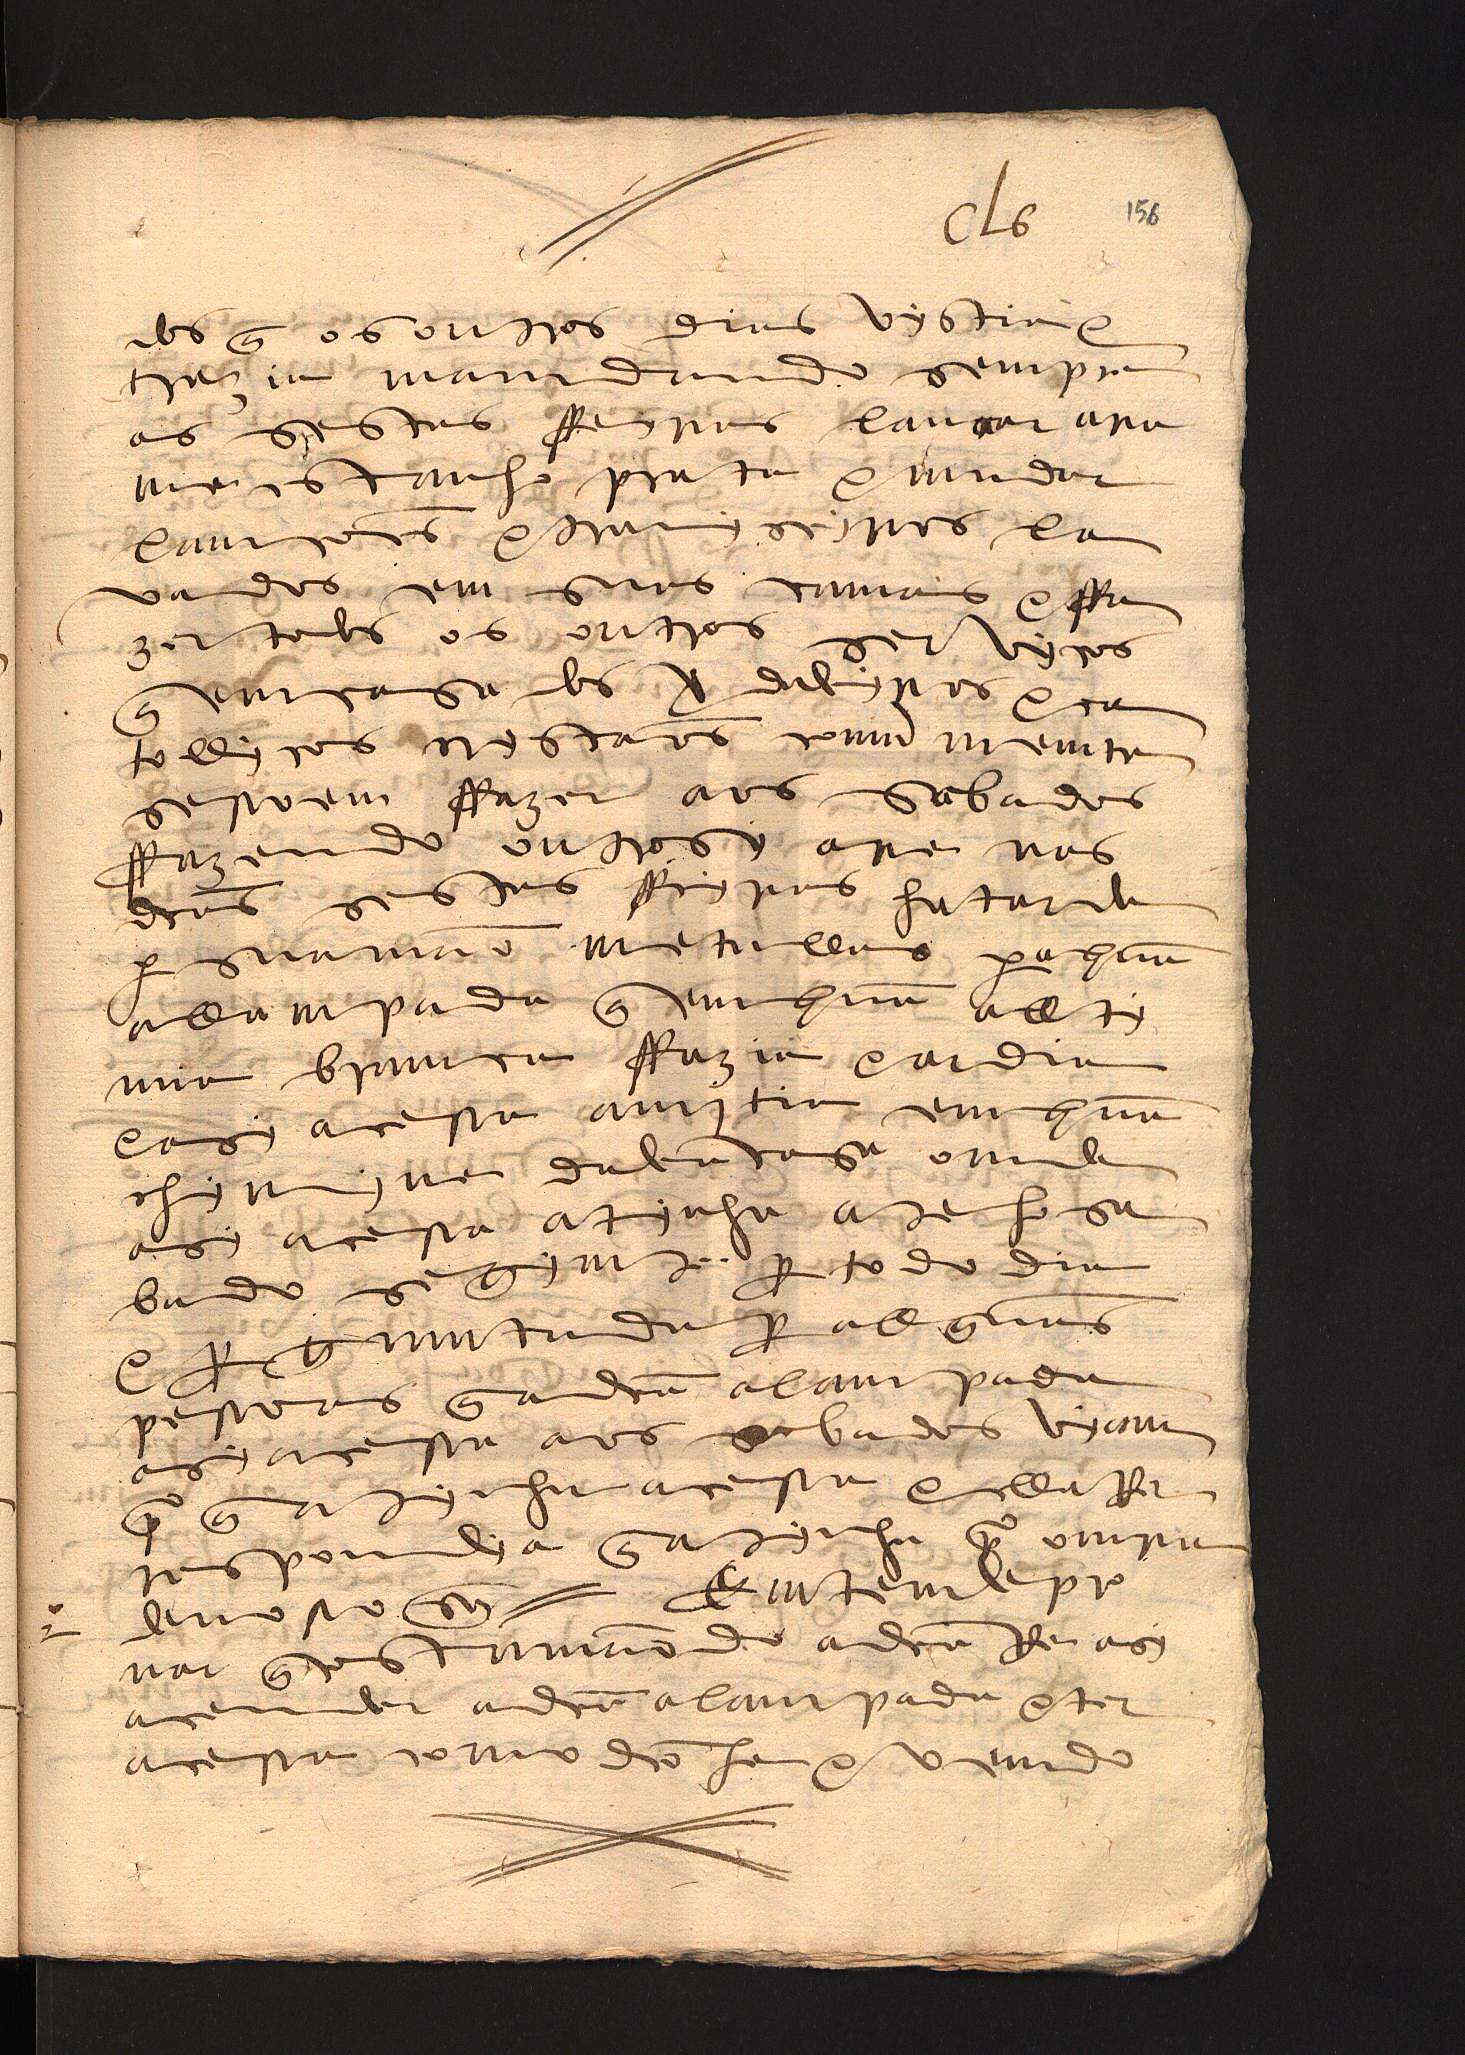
CLb
dos q̄ os outros dias vystia e
trazia mamdando sempre
as sestas ffeyrras lançar arra
me estanho prata e mudar
lamçoes e trauyseyrros la
vados em suas camas e ffa
zer todos os outros servyços
q̄ em casa dos ꝟdadeyros e ca
tollycos crystaõs comummemte
se ssoem ffazer aos sabados
ffazendo outrosy a rre nas
dtās sestas ffeyras ha tarde
ꝑ sua mão metullas ꝑa huā
allampada q̄ em huā allty
mia bramca ffazia e ardia
e asy acessa a mjtia em hūa
chymyne da dcā casa omde
asy acessa a tynha ate ho sa
bado segymte ꝑ todo dia
e ꝑgumtada ꝑ allguās
pessoas q̄ a dc̄a alampada
asy acessa aos sabados vyam
p̄o q̄ a tynha acessa e ella Re
respondya q̄ a tynha p̄o omrra
de nosso s̄or / Emtemde pro
uar q̄ costumãodo a dc̄a Re asy
acender a dc̄a alampada e ter
acessa como dt̄o he e vemdo
